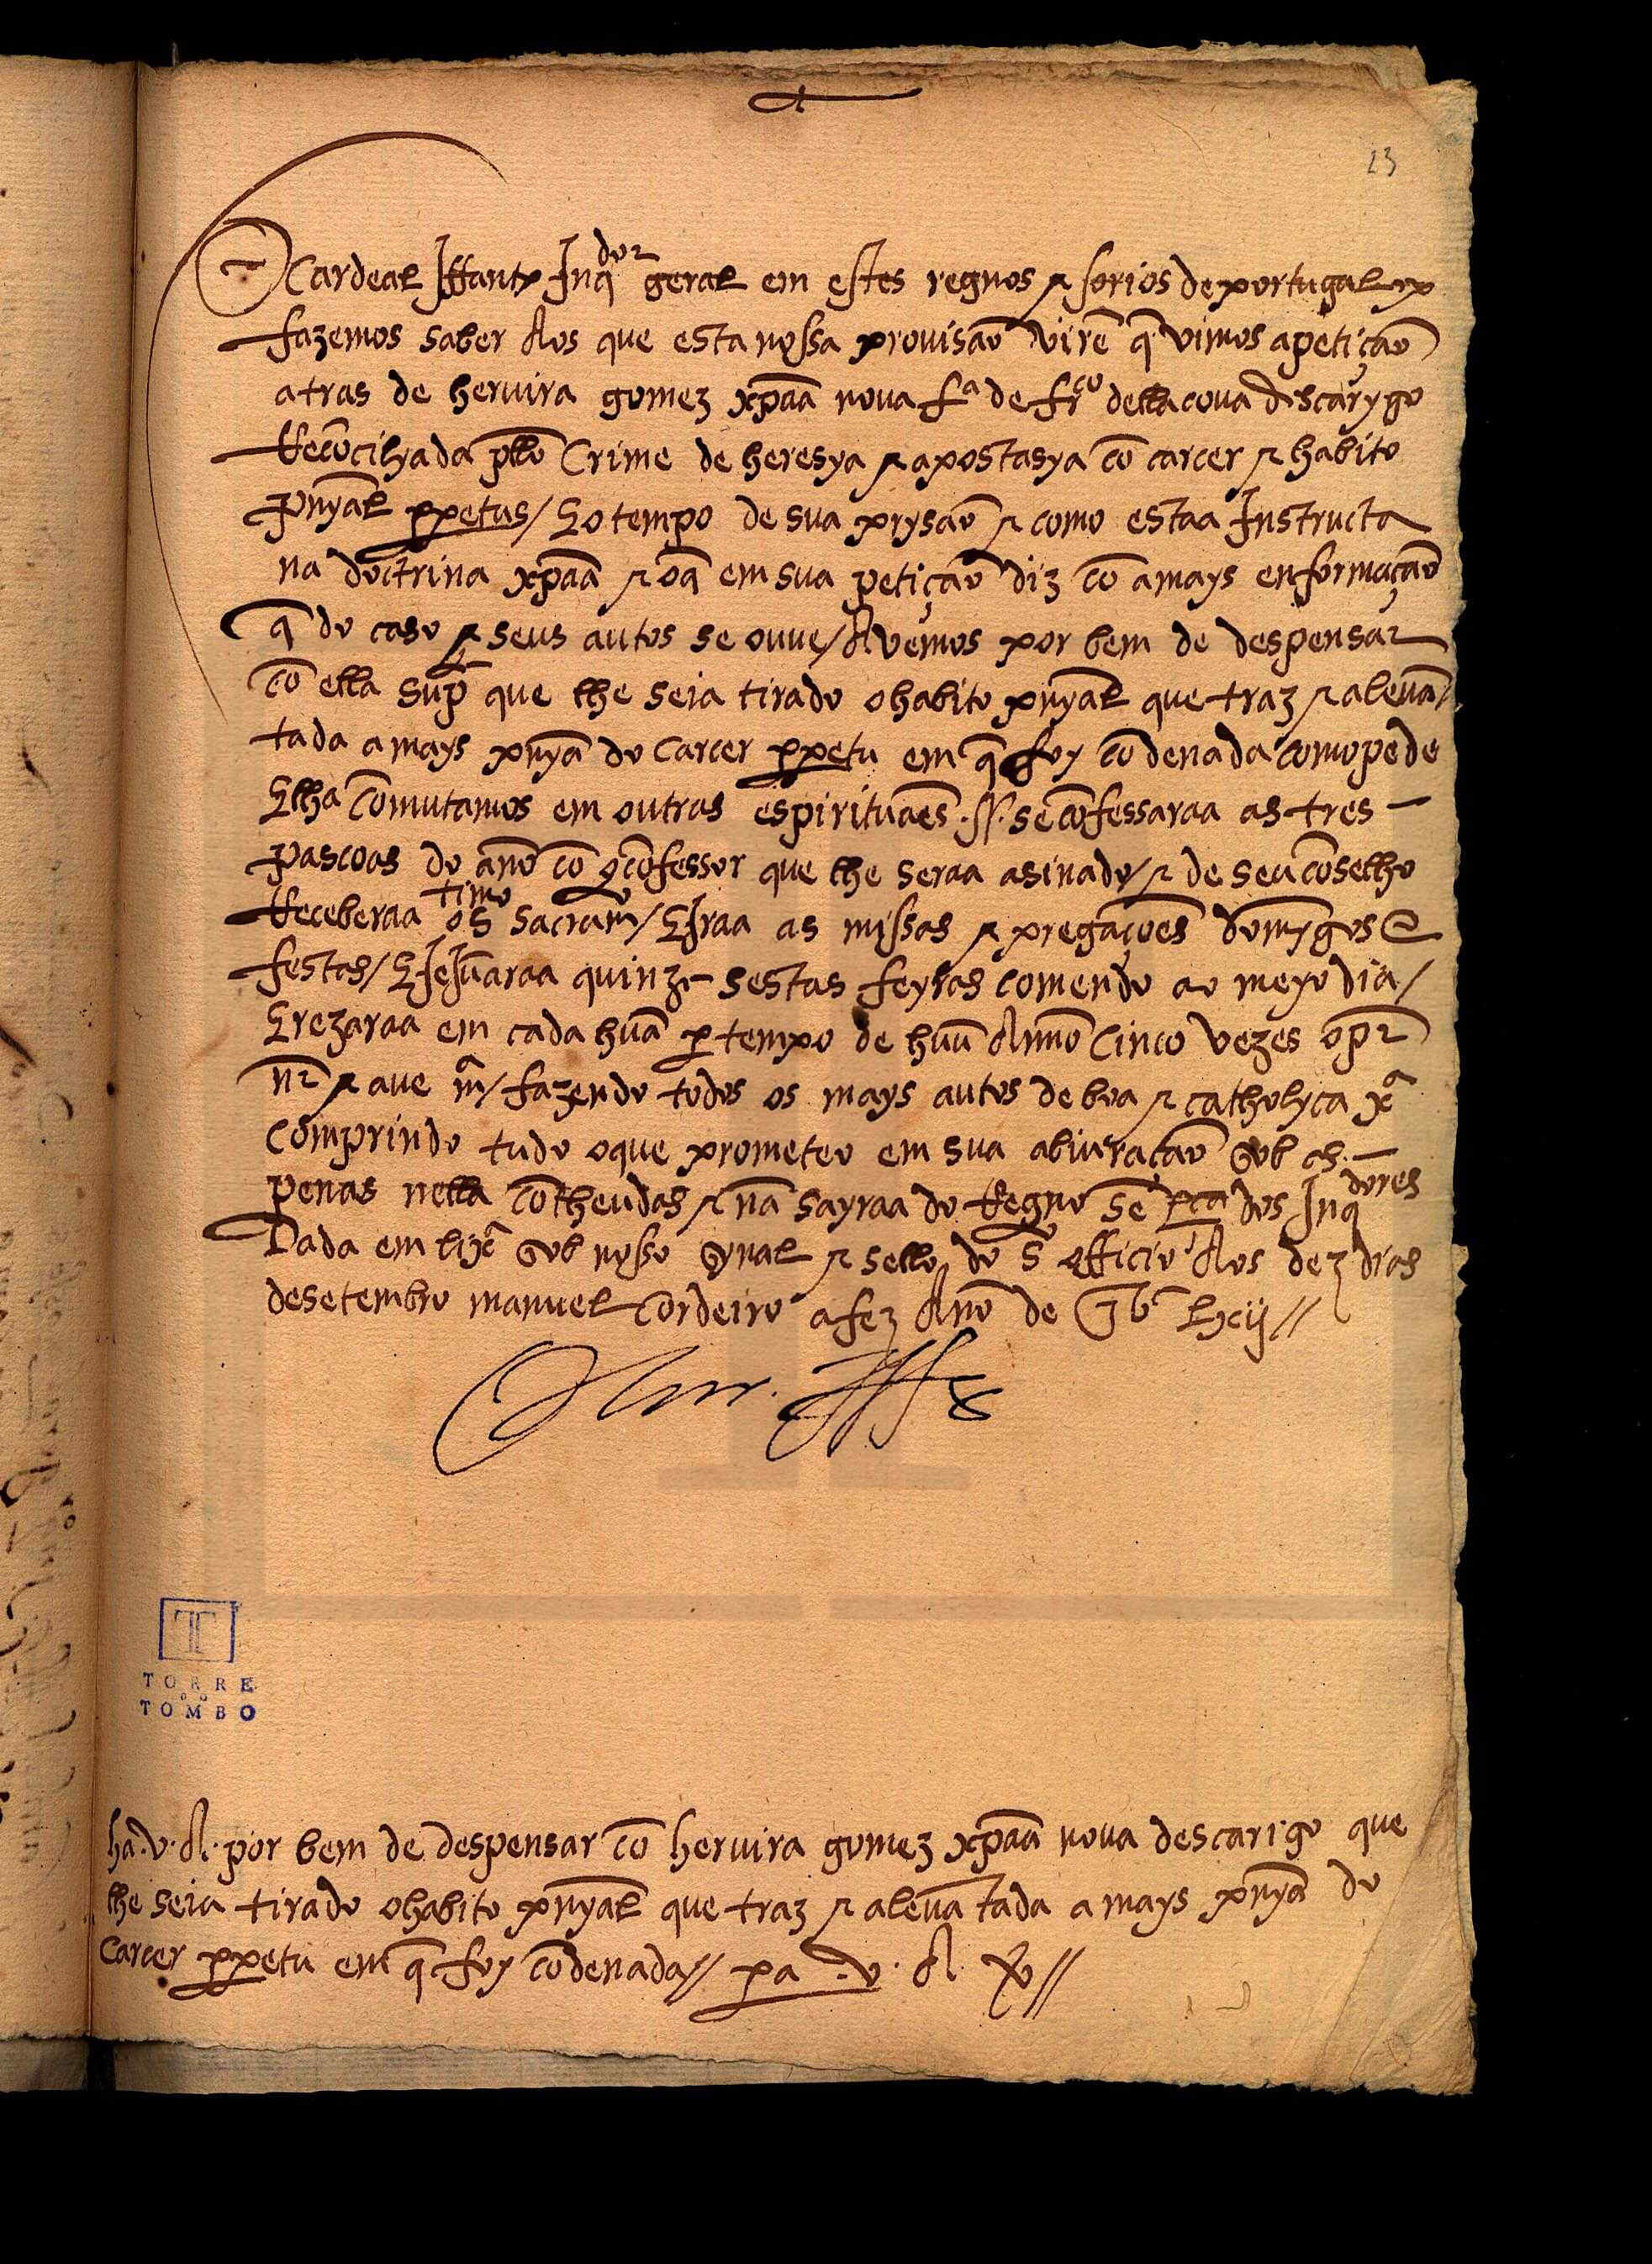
O Cardeal Jffantꝭ Jnqdor geral em estes regnos e sorios de portugal cꝭ
fazemos saber Aos que esta nossa prouisão virē q̄ vimos a petição
atras de heruira gomez xpāa noua fa de frco della coua descarygo
Recōcilyada p̄llo Crime de heresya e apostasya c̄o carcer e habito
pnȳal ꝑpetus / E o tempo de sua prysaõ e como estaa Jnstructa
na doctrina xpāa e o q̄ em sua petiçaõ diz c̄o a mays enformação
q̄ do caso e seus autos se ouue / Avemos por bem de despensar
c̄o ella supte que lhe seia tirado o habito pnȳal que traz e aleuā
tada a mays pn̄ya do carcer ꝑpetu em q̄ foy c̄odenada como pede
E lha c̄omutamos em outras espirituāes .ss. se c̄ofessaraa as tres
pascoas do an̄o c̄o o c̄ofessor que lhe seraa asinado / e de seu c̄oselho
Receberaa o Stimo Sacramto / E Jraa as missas e pregações domȳgos e
festas / E JeJūaraa quinze sestas feyras comendo ao meyo dia /
E rezaraa em cada huā ꝑ tempo de huū Anno cinco vezes o p̄r
n̄r e aue ma / fazendo todos os mays autos de boa e catholyca xa
comprindo tudo o que prometeo em sua abiuraçãoaõ sob as
penas nella c̄otheudas e n̄a sayraa do Regno s̄e Lça dos Jnqdores
Dada em lixa sob nosso synal e sello do Sto officio Aos dez dias
de setembro manuel Cordeiro a fez An̄o de j̄ bc Lxij //
O Car. Jffꝭ
ha .V. A. por bem de despensar c̄o heruira gomez xpāa noua descarigo que
lhe seia tirado o habito pn̄yal que traz e aleūatada a mais pn̄ya do
carcer ꝑpetu em q̄ foy c̄odenada // ꝑa .V. A ꝟ //
